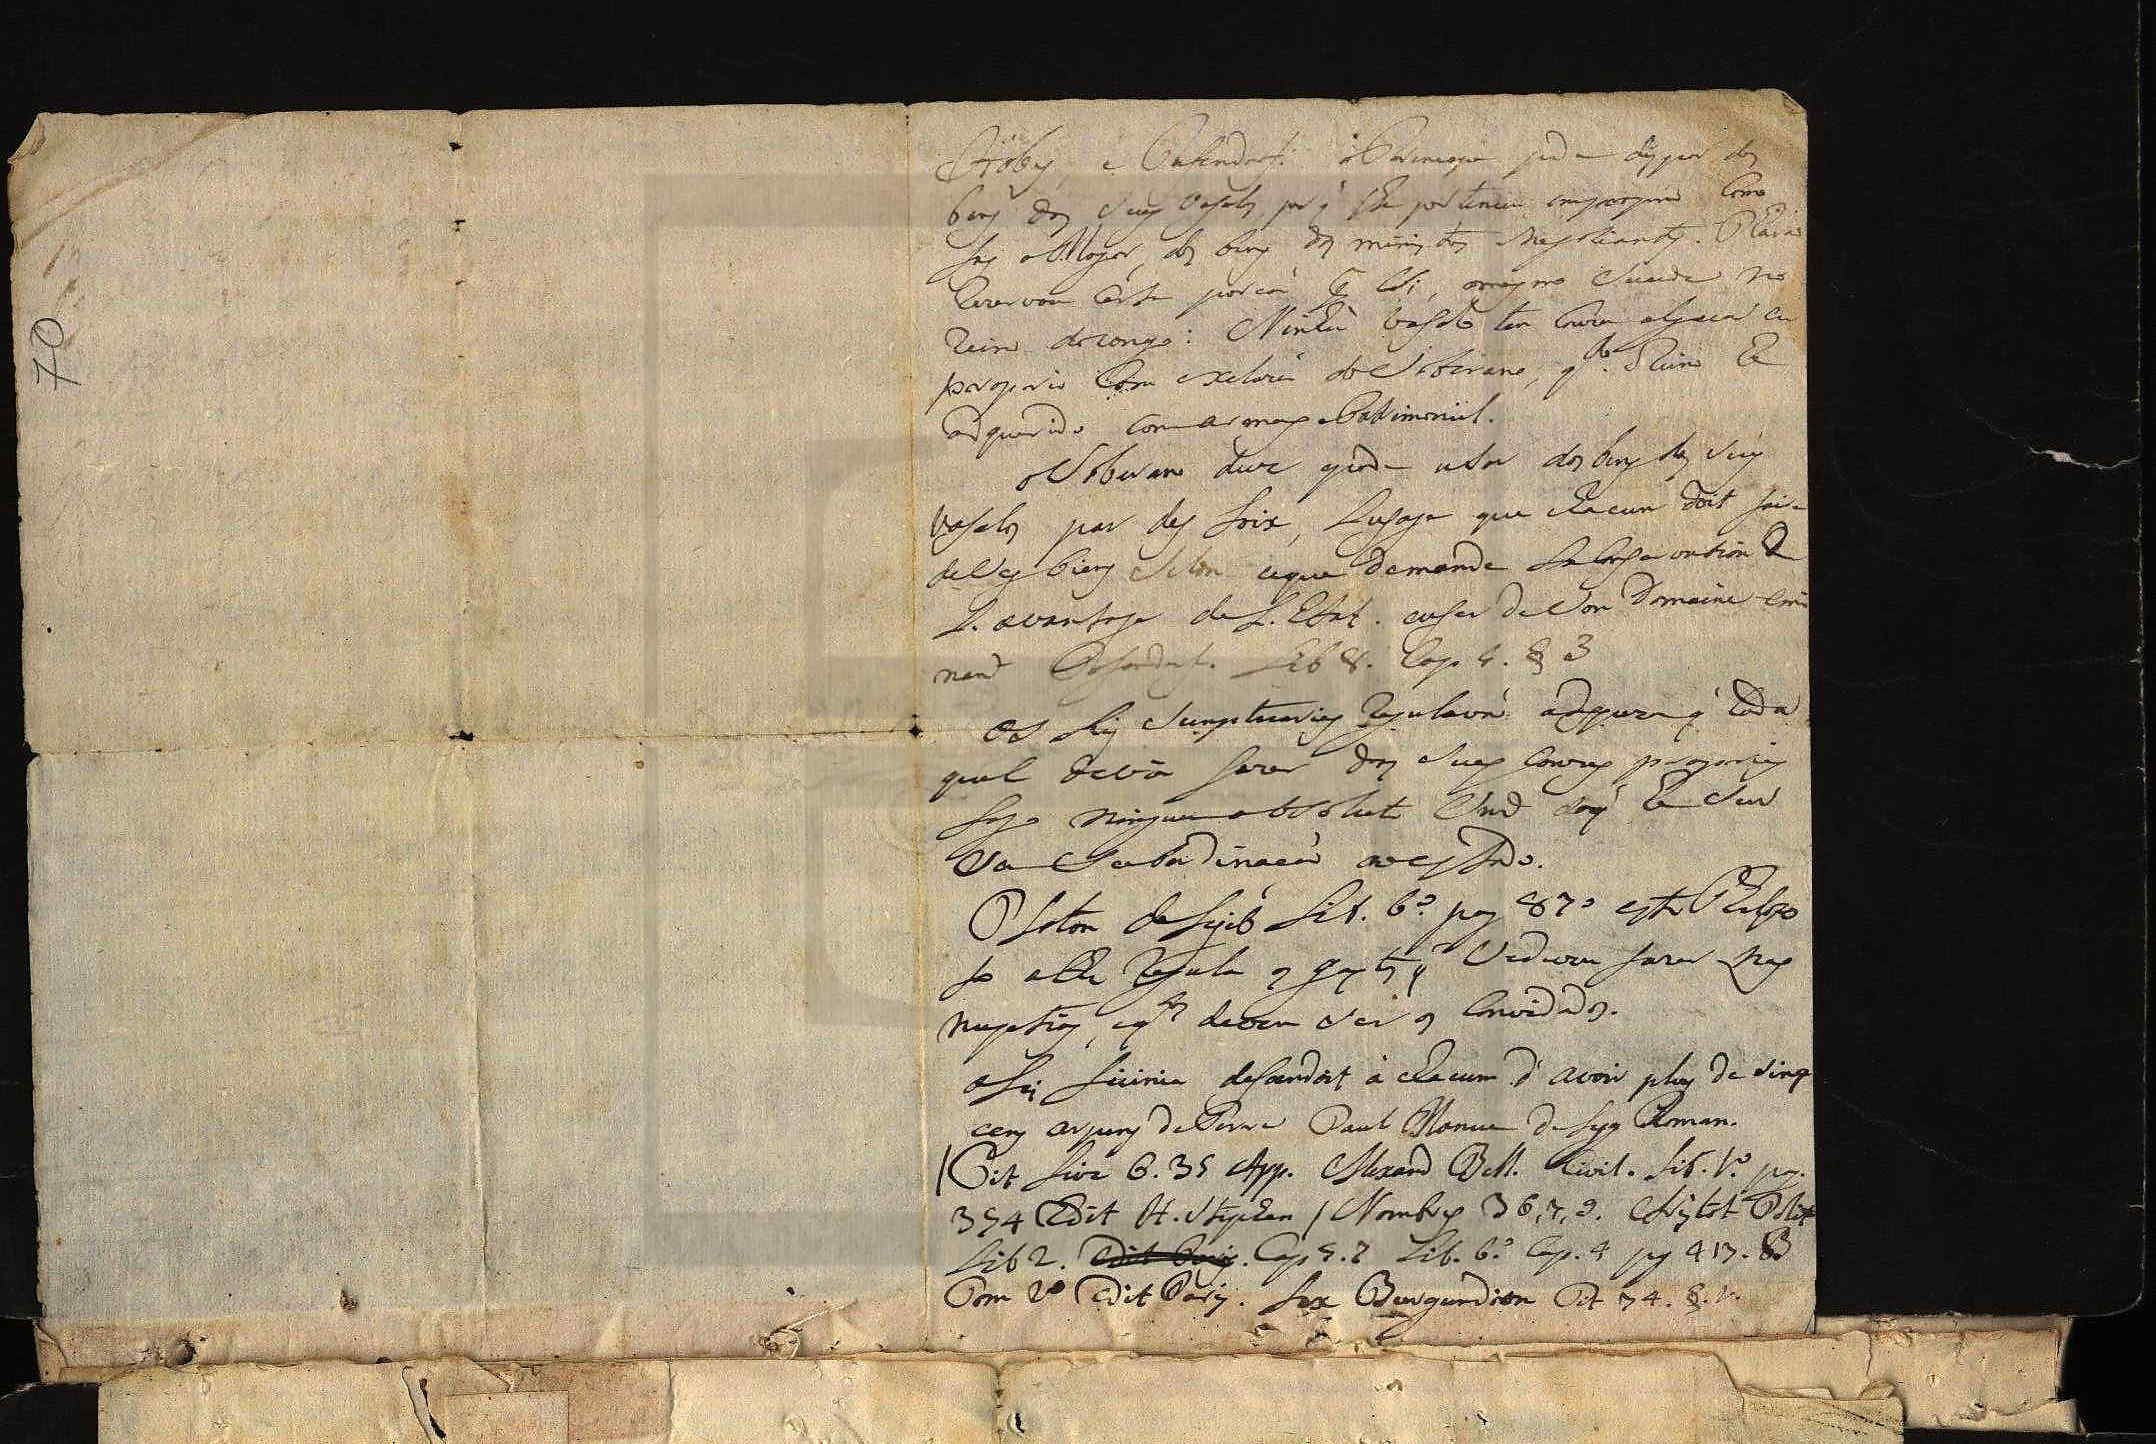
Hobes, e Pufendorf: o Princepe pode dispor dos
bens dos seus vasalos, porq̄ lhe pertencen em proprio Como
fas o Mayor, dos bens dos ministos Negociantes. Pharao
Rezervou Carta por ca q̄ si, o mesmo sucede no
Reino do congo: Ninhū vasalo ten Couza alguā en
proporio Com excluzā do Soberano, q.do o Reino he
adquerido com armas e Patrimonial.
o Soberano deve e pode usar dos bens dos seus
vasalos par des Loix, Lusage que chacun doit faire
de ses biens Selon ce que demande La Conservation de
L.avantage de L.Etat. e user de Son Domaine emi
nant Pufendorf. Lib 8. Cap 4. § 3
Os Leis Sumptuarias Regulavā a despeza q̄ Cada
qual devia fazer das suas Couzas proprias
Logo ninguem absoluto Snr̄ do q̄ he seu
sen subordinação ao estado.
PLaton de Legib Lib. 6.o pag 870 este Philozo
fo athe Regula os gastos q̄ se deven fazer nas
Nuptias, e q.tos deven ser os Convidados.
a Lei Licinia defandoit á chacum d'avoir plus de sinq
cens arpens de Terre Paul Manuc de Leges Roman.
Tit Livi 6. 35 App. Alexand Bell. Civil. Lib. 1.o pag.
354 Edit H. Stiphen / Nombres 36, 7, 9. Aristot Polit
Lib 2. odit Paris. Cap 5. 7 Lib. 6.o Cap. 4 pg 417. B
Com 2o edit Paris. Lex Burgundion Tit 74. §. 2.
